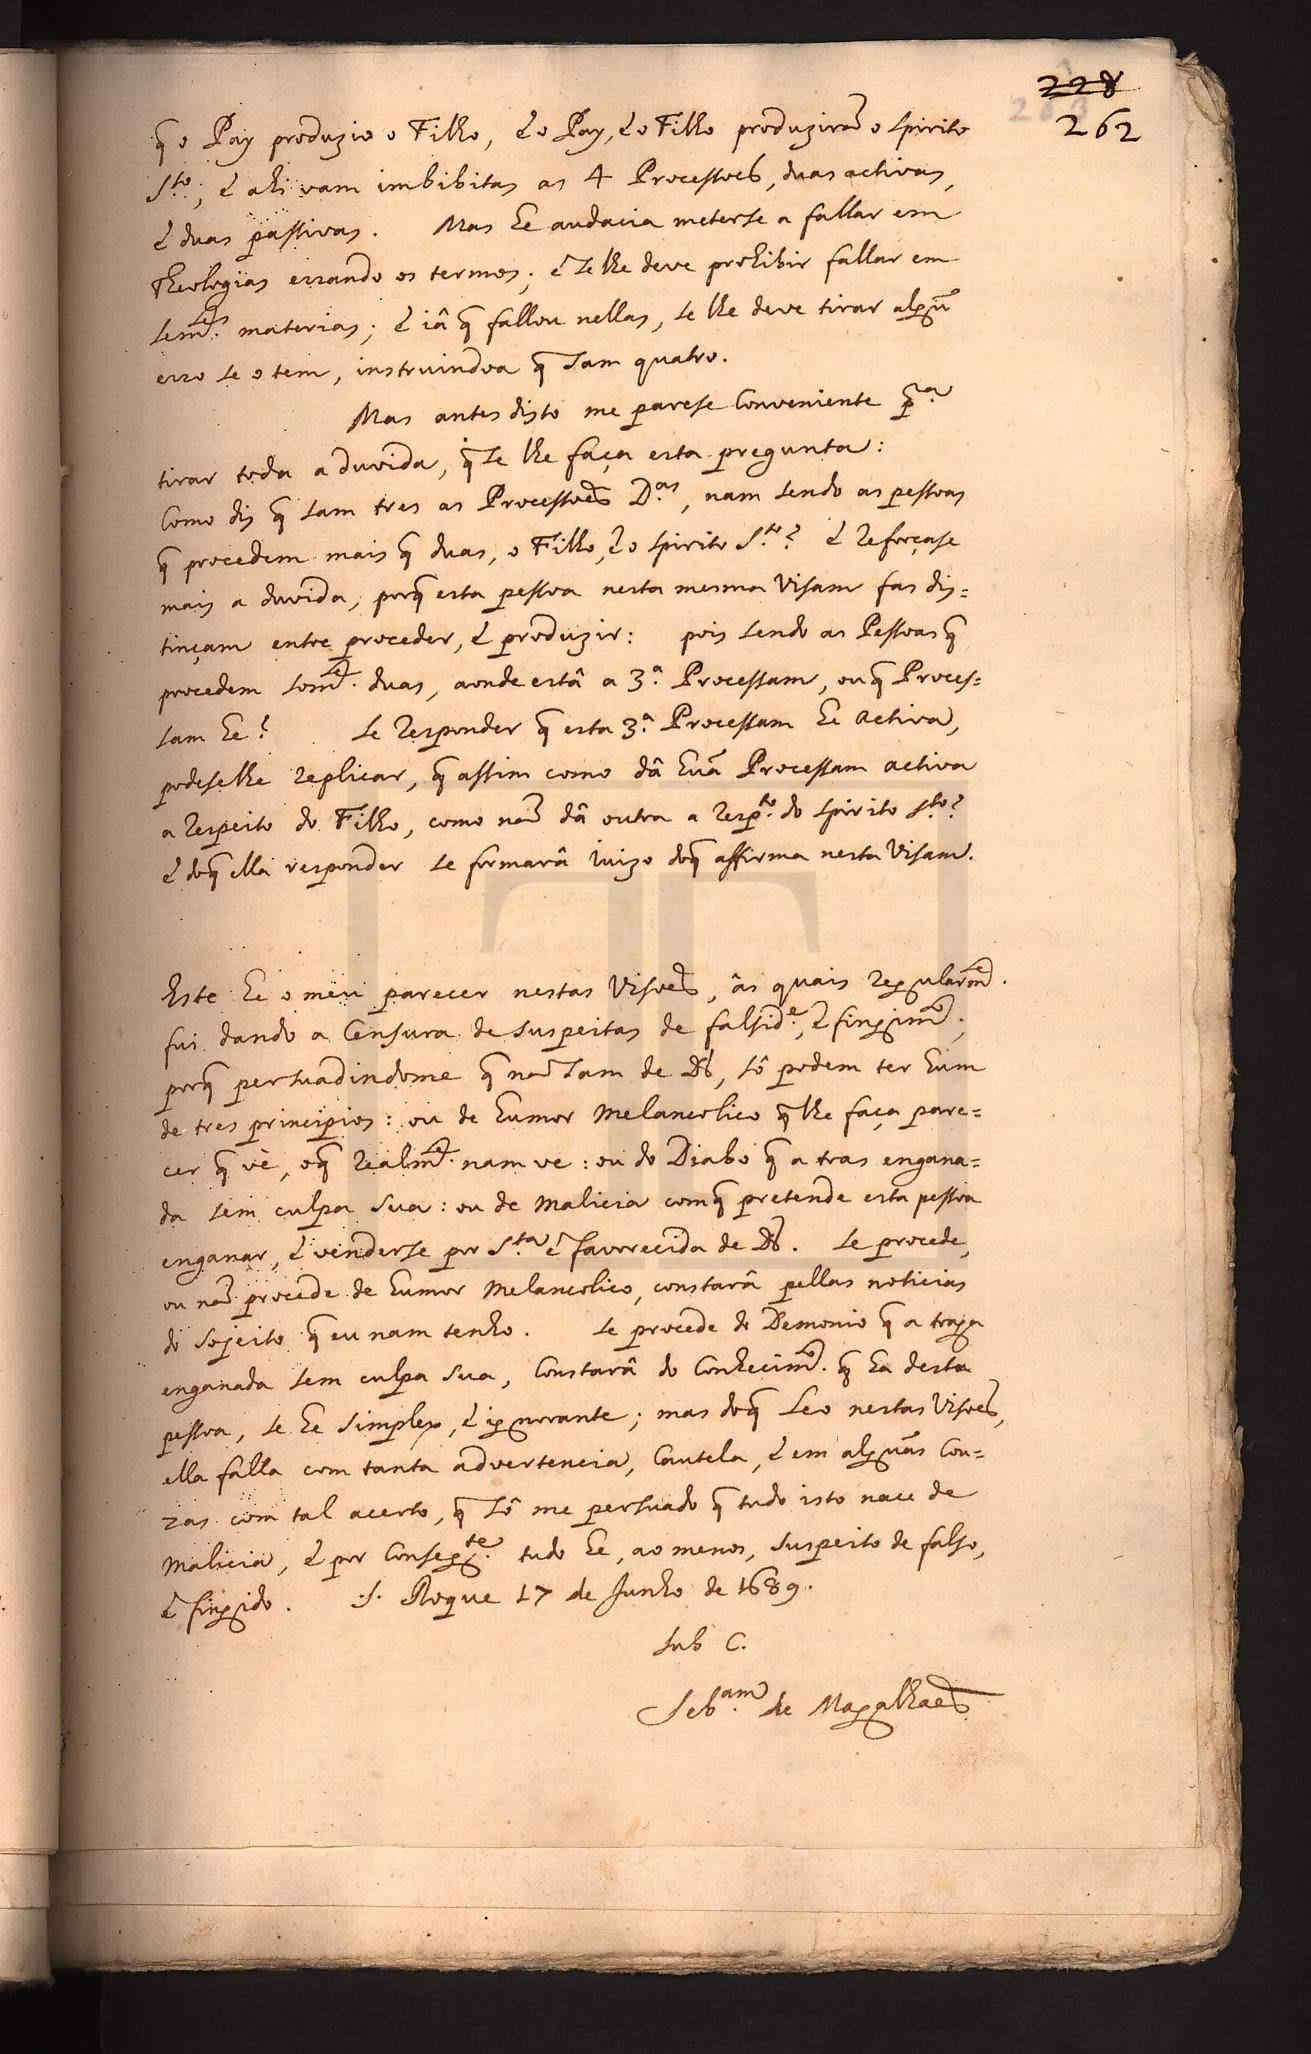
q̄ o Pay produzio o filho, e o Pay, e o Filho produziraõ o Spirito
262
S.to, e ahi vam imbibitas as 4 Processoes, duas activas,
e duas passivas. Mas he audacia meterse a fallar em
theologias errando os termos; e se lhe deve prohibir fallar em
sem.tes materias; e iâ q̄ fallou nellas, se lhe deve tirar algū
erro se o tem, instruindoa q̄ sam quatro.
Mas antes disto me parese Conveniente p.ra
tirar toda a duvida, q̄ se lhe faça esta pregunta:
Como dis q̄ sam tres as Processoẽs D.as, nam sendo as pessoas
q̄ procedem mais q̄ duas, o Filho, e o Spirito S.to? e Reforçase
mais a duvida, porq̄ esta pessoa nesta mesma visam fas dis
tinçam entre proceder, e produzir: pois sendo as Pessoas q̄
procedem som.te duas, aonde estâ a 3.a Processam, ou q̄ Proces
sam he? Se Responder q̄ esta 3.a Processam he activa,
podese lhe replicar, q̄ assim como dâ huā Processam activa
a Respeito do Filho, como naõ dâ outra a Resp.to do Spirito S.to?
e do q̄ ella responder se formarâ iuizo do q̄ affirma nesta visam.
Este he o meu parecer nestas Visoẽs, as quais resularmte.
fui dando a Censura de suspeitas de falsid.e, e fingimto.
porq̄ persuadindome q̄ naõ sam de Ds̄, só podem ter hum
de tres principios: ou de humor melancolico q̄ lhe faça pare
cer q̄ vè, o q̄ Realm.te nam ve, ou do Diabo q̄ a tras engana
da sem culpa sua: ou de malicia com q̄ pretende esta pessoa
enganar, e venderse por S.ta e fauorecida de Ds̄. se procede,
ou naõ procede de humor melancolico, constarâ pellas noticias
do sojeito q̄ eu nam tenho. se procede do Demonio q̄ a traga
enganada sem culpa sua, Constarâ do Conhecim.to q̄ ha desta
pessoa, se he simples, e ignorante; mas do q̄ Leo nesta visoẽs,
ella falla com tanta advertencia, Cautela, e em alguās cou
zas com tal acerto, q̄ sô me persuado q̄ tudo isto nace de
malicia, e por conseg.te tudo he, ao menos, suspeito de falso,
e fingido. S. Roque 17 de Junho de 1689.
sub C.
Seb.am de Magalhaẽs
